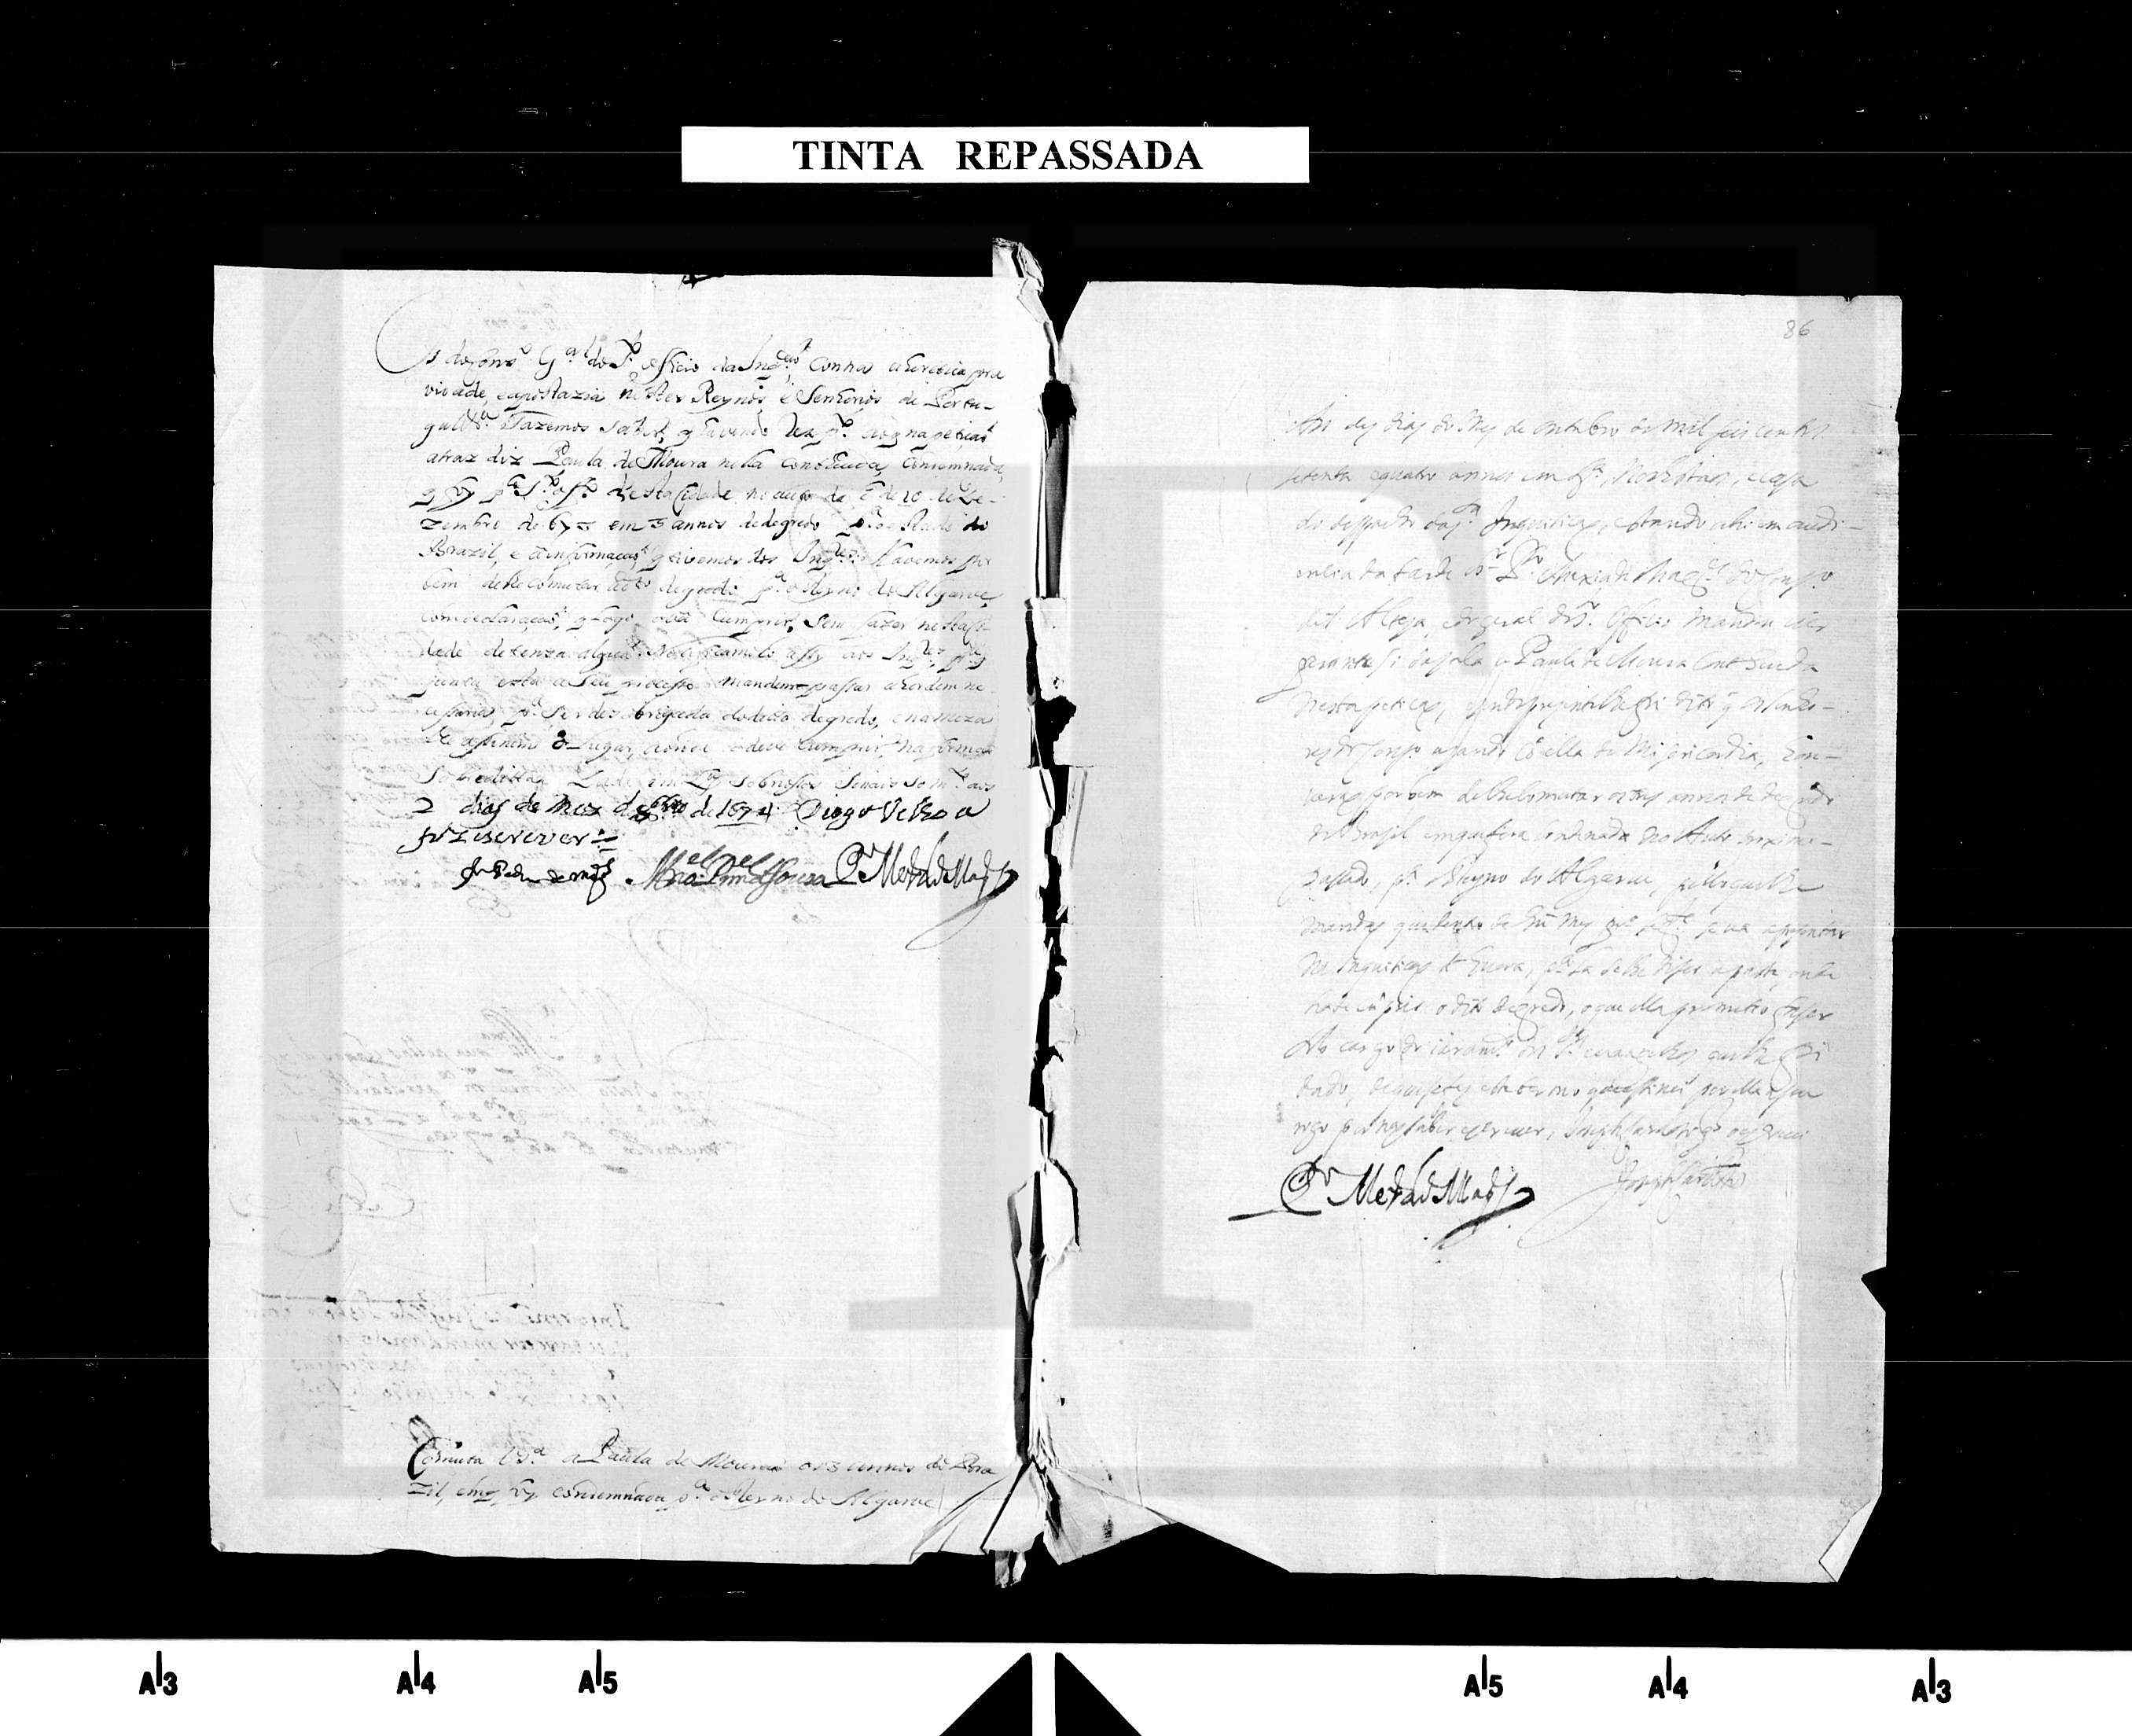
Os do Conso G.al do s.to officio da Inq.çaõ contra a heretica pra
uidade e apostazia nestes Reynos e Senhorios de Portu
gal &.a Fazemos saber, q̄ hauendo resp.o ao q̄ na petiçaõ
atraz diz Paula de Moura nella contheuda, condemnada,
q̄ foy plo s.to off.o desta Cidade no auto da fe de 10 de De
zembro de 673 em 3 annos de degredo p.a o estado do
Brazil, e a informaçaõ q̄ tivemos dos Inq.res Havemos por
bem de lhe comutar ho dto degredo p.a o Reyno do Algarue
consideraçaõ q̄ logo o ia Cumprir, sem fazer nesta Ci
dade de couza alguā. Notificamdo assy aos Inqres p.a q
junte esta a seu processo mandem passar a hordem ne
cessaria p.a ser desobrigada do ditta degredo, na meza
lhe assinem o Lugar, ainda deve cumprir na forma
sobreditta Dada em Lxa sob nossos sinais somte aos
2 dias de mez de 8.bro de 1674 Diogo Velho a
fiz escrever
fr Pedro de mages Mnoel Pimel d̄ sousa Po Mexa de Mages
Comuta V S.a a Paula de Moura aos annos do Bra
zil em q̄ foy condemnada p.a o Reyno do Algarue
Aos des dias do Mes de Outubro de mil seiscentos
setenta e quatro annos em Lx.a, nos estaos e casa
do despacho da s.ta Inquisiçaꝭ, estando ahi em audi
encia da tarde Fr P.o Mexia de Mag.es do Cons.o
de S Alteza, e do geral do s.to Officio mandou uir
perante si da sala a Paula de Moura Contheuda
nesta petiçaꝭ, e sendo presente lhe foi dito q̄ os senho
res do Cons.o usando cō ella de Misericordia, hou
ueraõ por bem de Recomutar os tres annos de degredo
de Brazil em que fora condenada no Auto proximo
passado, p.a o Reyno do Algarue, pello que lhe
mandaꝭ que dentro de hū mes pr.o segte se ua apresentar
na Inquisiçaꝭ d̄ Euora, pa la se lhe diser a parte, onde
hade cūprir o dito degredo, o que ella prometeo faser
sob cargo do iuram.to dos s.tos euangelhos que lhe foi
dado, de que se fez este termo que assinei por ella a seu
rogo por naꝭ saber escreuer, Ioseph Cardoso q̄ o escreui
P.o Mexa de Mages Joseph Cardoso
